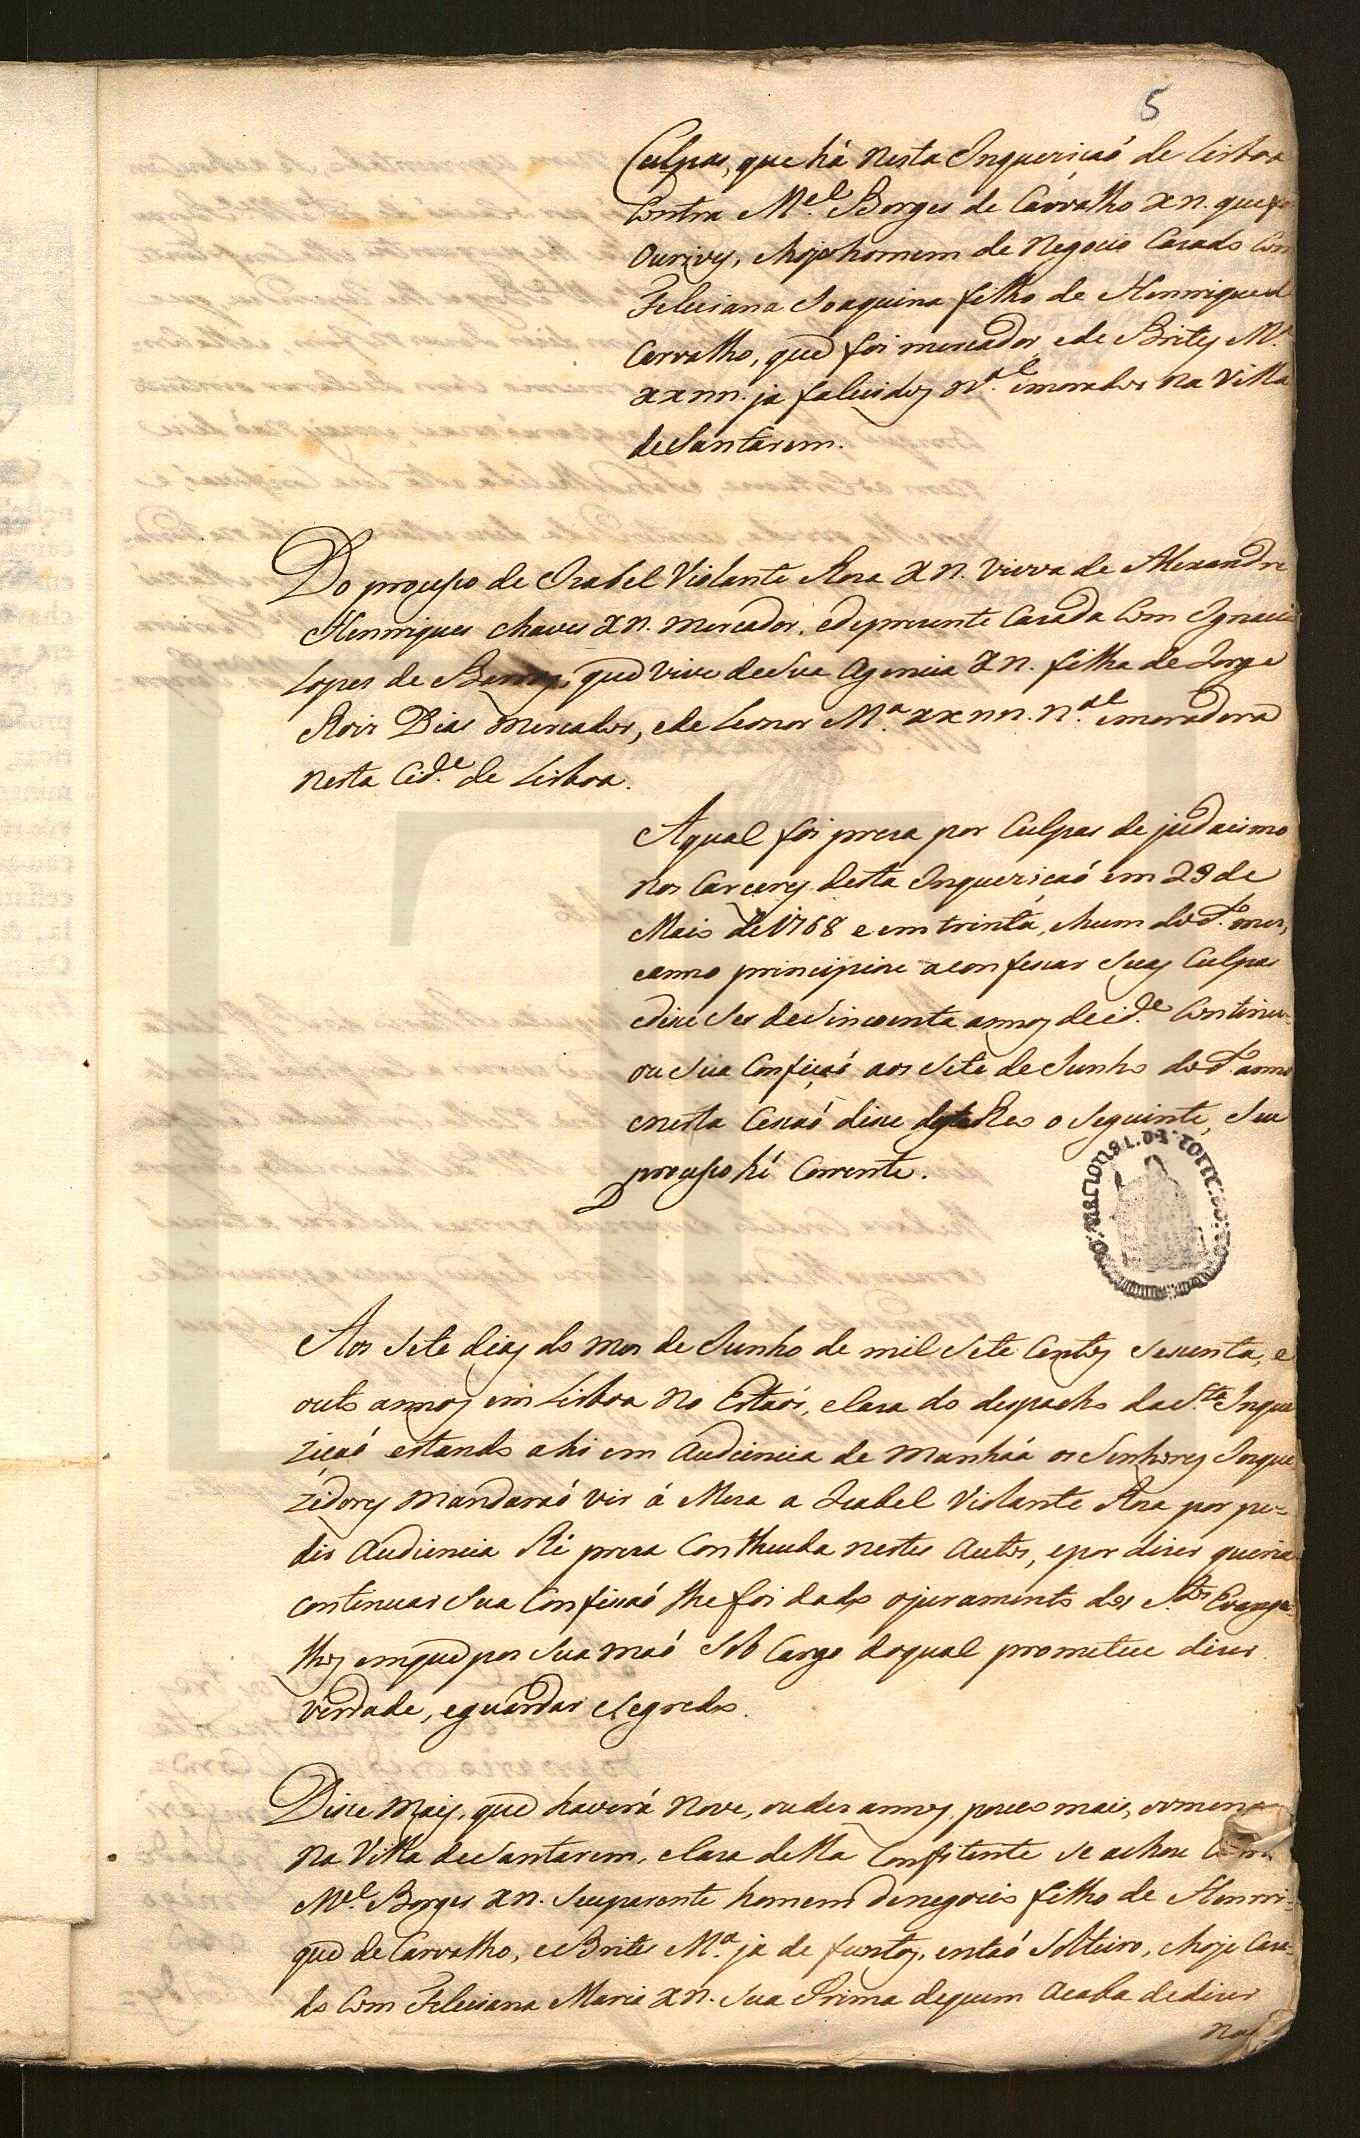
Culpas, que hà nesta Inquiziçaõ de lisboa
Contra M.el Borges de Carvalho x n. que f
ourives, e hoje homem de negocio Cazado Com
Feliciana Ioaquina filho de Henrique
Carvalho, que foi mercador, e de Brites M.a
xx nn. ja falecidos n.al e morador na Villa
de Santarem.
Do processo de Izabel Violante Roza x n. viuva de Alexandre
Henriques chaves x n. mercador, e de prezente Cazada Com Ignacio
Lopes de Barros, que vive de sua Agencia x n. filha de Iorge
Roiz Dias Mercador, e de Leonor M.a xx nn. n.al e moradora
nesta Cid.e de Lisboa.
A qual foi preza por Culpas de judaismo
nos Carceres desta Inquiziçaõ em 29 de
Maio de i768 e em trinta, e hum do d̄.o mes,
e anno principiou a confessar Suas Culpas
e disse ser de sincoenta annos de id.e Continu
ou sua confiçaõ aos sete de Iunho do d̄.o anno
e nesta Cessaõ disse deste Reo o seguinte, seu
porcesso hé Corrente.
Aos sete dias do mes de Iunho de mil seteCentos sessenta, e
outo annos em Lisboa no Estaos, e Caza do despacho da S.ta Inqui
ziçaõ estando ahi em audiencia de manhaã os senhores Inqui
zidores mandaraõ vir á Meza a Izabel Violante Roza por pe
dir Audiencia Ré preza Contheuda nestes Autos, e por dizer queria
continuar sua confissaõ lhe foi dado o juramento dos S.tos Evange
lhos em que pos sua maõ sob Cargo do qual prometeu dizer.
verdade, e guardar segredo.
Disse mais, que haverá nove, ou dez annos, pouco mais, ou men
na Villa de Santarem, e Caza della Confitente se achou
M.el Borges x n. seu parente homem de negocio filho de Henrri
que de Carvalho, e Brite M.a ja defuntos, entaõ solteiro, e hoje Casa
do Com Feleciana Maria x n. sua Prima de quem acaba de dizer
na
